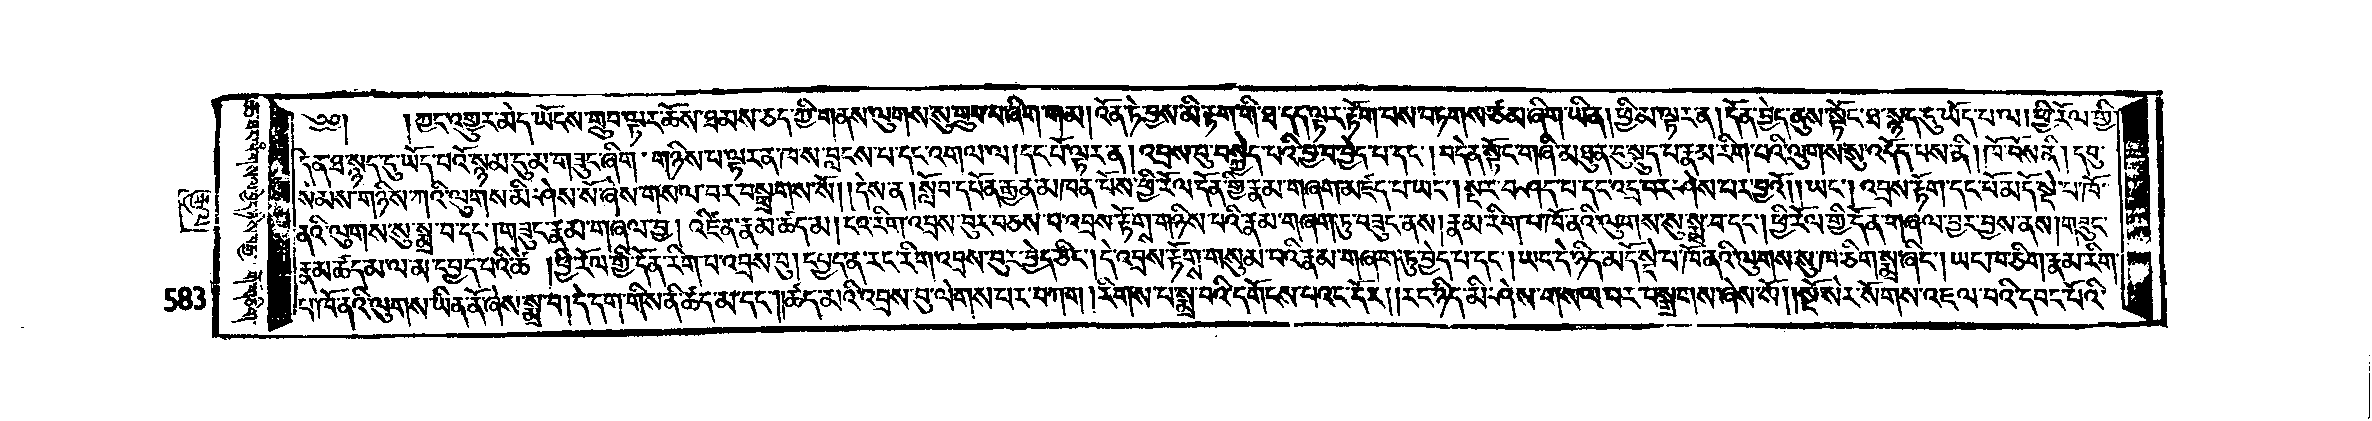༄༅། །ཀྱང་འགྱུར་མེད་ཡོངས་གྲུབ་ལྟར་ཆོས་ཐམས་ཅད་ཀྱི་གནས་ལུགས་སུ་གྲུབ་པ་ཞིག་གམ། འོན་ཏེ་བྱས་མི་རྟག་གི་ཐ་དད་ལྟར་རྟོག་པས་བཏགས་ཙམ་ཞིག་ཡིན། ཕྱི་མ་ལྟར་ན། དོན་བྱེད་ནུས་སྟོང་ཐ་སྙད་དུ་ཡོད་པ་ལ། ཕྱི་རོལ་གྱི་
དོན་ཐ་སྙད་དུ་ཡོད་པའོ་སྙམ་དུ་མ་གཟུང་ཞིག་གཉིས་པ་ལྟར་ན་ཁས་བླངས་པ་དང་འགལ་ལ། དང་པོ་ལྟར་ན། འབྲས་བུ་བསྐྱེད་པའི་བྱ་བ་བྱེད་པ་དང་། བདེན་སྟོང་གཞི་མཐུན་དུ་སྡུད་པ་རྣམ་རིག་པའི་ལུགས་སུ་འདོད་པས་ནི། ཁོ་བོས་ནི། དབུ་
སེམས་གཉིས་ཀའི་ལུགས་མི་ཤེས་སོ་ཞེས་གསལ་བར་བསྒྲགས་སོ། །དེས་ན། སློབ་དཔོན་རྒྱན་མཁན་པོས་ཕྱི་རོལ་དོན་གྱི་རྣམ་གཞག་མཛད་པ་ཡང་། སྔར་བཤད་པ་དང་འདྲ་བར་ཤེས་པར་བྱའོ། །ཡང་། འབྲས་རྟོག་དང་པོ་མདོ་སྡེ་པ་ཁོ་
ནའི་ལུགས་སུ་སྨྲ་བ་དང་། གཟུང་རྣམ་གཞལ་བྱ། འཛིན་རྣམ་ཚད་མ། ངའི་རིག་འབྲས་བུར་བཅས་པ་འབྲས་རྟོགས་གཉིས་པའི་རྣམ་གཞག་ཏུ་བཟུང་ནས། རྣམ་རིག་པ་ཁོ་ནའི་ལུགས་སུ་སྨྲ་བ་དང་། ཕྱི་རོལ་གྱི་དོན་གཞལ་བྱར་བྱས་ནས། གཟུང་
རྣམ་ཚད་མ་ལ་མ་དཔྱད་པའི་ཚེ། ཕྱི་རོལ་གྱི་དོན་རིག་པ་འབྲས་བུ། དཔྱད་ན་རང་རིག་འབྲས་བུར་བྱེད་ཅིང་། དེ་འབྲས་རྟོགས་གསུམ་པའི་རྣམ་གཞག་ཏུ་བྱེད་པ་དང་། ཡང་དེ་ཉིད་མདོ་སྡེ་པ་ཁོ་ནའི་ལུགས་སུ་ཁ་ཅིག་སྨྲ་ཞིང་། ཡང་ཁ་ཅིག་རྣམ་རིག་
པ་ཁོ་ནའི་ལུགས་ཡིན་ནོ་ཞེས་སྨྲ་བ། དེ་དག་གིས་ནི་ཚད་མ་དང་། །ཚད་མའི་འབྲས་བུ་ལེགས་པར་བཀག །རིགས་པ་སྨྲ་བའི་དགོངས་པའང་དོར། །རང་ཉིད་མི་ཤེས་གསལ་བར་བསྒྲགས་ཞེས་སོ། །སྔོ་སེར་སོགས་འཇལ་བའི་དབང་པོའི་